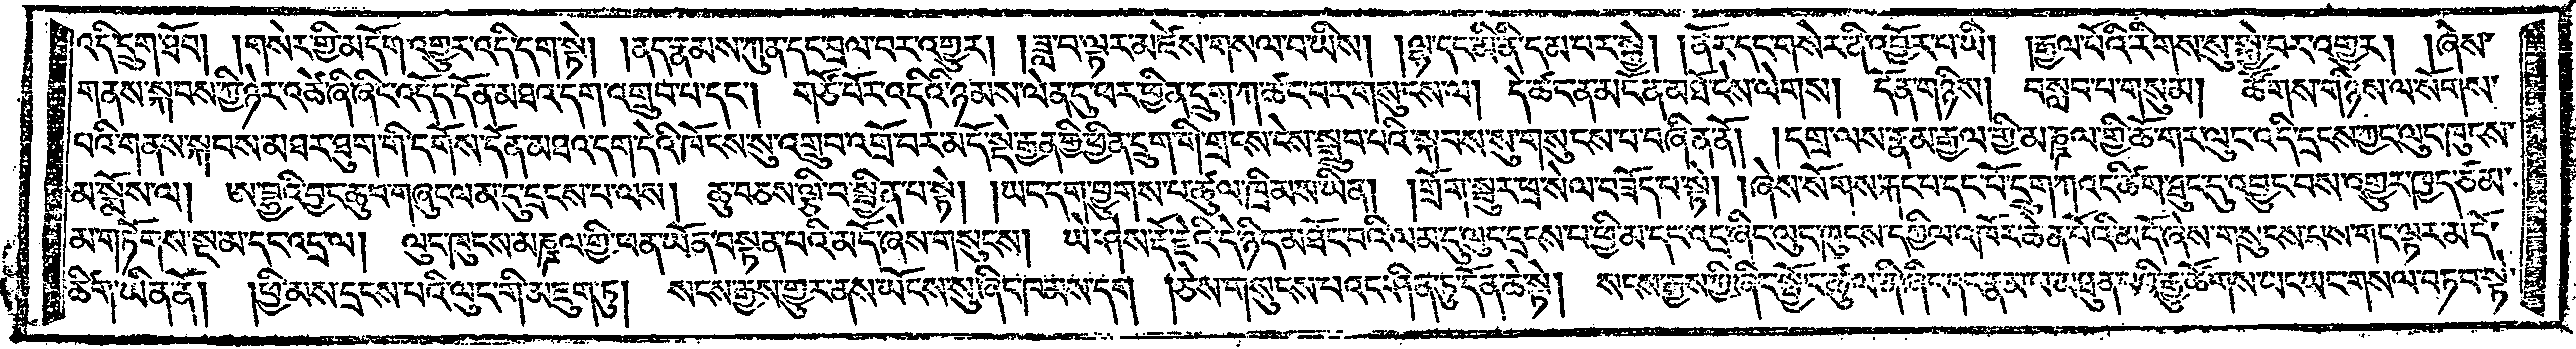འདི་དྲུག་ཐོབ། །གསེར་གྱི་མདོག་འགྱུར་འདི་དག་སྟེ། །ནད་རྣམས་ཀུན་དང་བྲལ་བར་འགྱུར། །ཟླ་བ་ལྟར་མཛེས་གསལ་བ་ཡིས། །ལྷ་དང་མི་ནི་དམ་པར་སྐྱེ། །ནོར་དང་གསེར་ནི་འབྱོར་བ་ཡི། །རྒྱལ་བོའི་རིགས་སུ་སྐྱེ་བར་འགྱུར། །ཞེས་
གནས་སྐབས་ཀྱི་ཉེར་འཚེ་ཞི་ཞིང་འདོད་དོན་མཐའ་དག་འགྲུབ་པ་དང་། གཙོ་བོར་འདིའི་ཉམས་ལེན་དུ་ཕར་ཕྱིན་དྲུག་ག་ཚང་བར་གསུངས་ལ། དེ་ཚང་ན་མངོན་མཐོ་ངེས་ལེགས། དོན་གཉིས། བསླབ་པ་གསུམ། ཚོགས་གཉིས་ལ་སོགས་
པའི་གནས་སྐབས་མཐར་ཐུག་གི་དགོས་དོན་མཐའ་དག་དེའི་ཁོངས་སུ་འགྲུབ་འགྲོ་བར་མདོ་སྡེ་རྒྱན་གྱི་ཕྱིན་དྲུག་གི་གྲངས་ངེས་སྒྲུབ་པའི་སྐབས་སུ་གསུངས་པ་བཞིན་ནོ། །དགྲ་ལས་རྣམ་རྒྱལ་གྱི་མཎྜལ་གྱི་ཆོ་གར་ལུང་འདི་དྲངས་ཀྱང་ལུང་ཁུངས་
མ་སྨོས་ལ། ཨ་བྷྱའི་བྱང་ཆུབ་གཞུང་ལམ་དུ་དྲངས་པ་ལས། ཆུ་བཅས་ལྕི་བ་སྦྱིན་པ་སྟེ། །ཡང་དག་ཕྱུགས་པ་ཚུལ་ཁྲིམས་ཡིན། །གྲོག་སྦུར་ཕྲ་སེལ་བཟོད་པ་སྟེ། །ཞེས་སོགས་རྐང་པ་དང་པོ་དྲུག་ཀའང་ཚིག་ཐུང་དུ་འབྱུང་བས་འགྱུར་ཁྱད་ཙམ་
མ་གཏོགས་སྔ་མ་དང་འདྲ་ལ། ལུང་ཁུངས་མཎྜལ་གྱི་ཕན་ཡོན་བསྟན་པའི་མདོ་ཞེས་གསུངས། ཡེ་ཤེས་རྡོ་རྗེའི་དེ་ཉིད་མཐོང་བའི་ལམ་དུ་ལུང་དྲངས་པ་ཕྱི་མ་དང་འདྲ་ཞིང་ལུང་ཁུངས་དཀྱིལ་འཁོར་ཆེན་པོའི་མདོ་ཞེས་གསུངས་པས་གང་ལྟར་མདོ་
ཚིག་ཡིན་ནོ། །ཕྱི་མས་དྲངས་པའི་ལུང་གི་མཇུག་ཏུ། སངས་རྒྱས་གྱུར་ནས་ཡོངས་སུ་ཞིང་ཁམས་དག །ཅེས་གསུངས་པའང་ཤིན་ཏུ་དོན་ཆེ་སྟེ། སངས་རྒྱས་ཀྱི་ཞིང་སྦྱོང་ཚུལ་ནི་ཞིང་དང་རྣམ་པ་མཐུན་པའི་རྒྱུ་ཚོགས་ཡང་ཡང་གསལ་བཏབ་སྟེ་